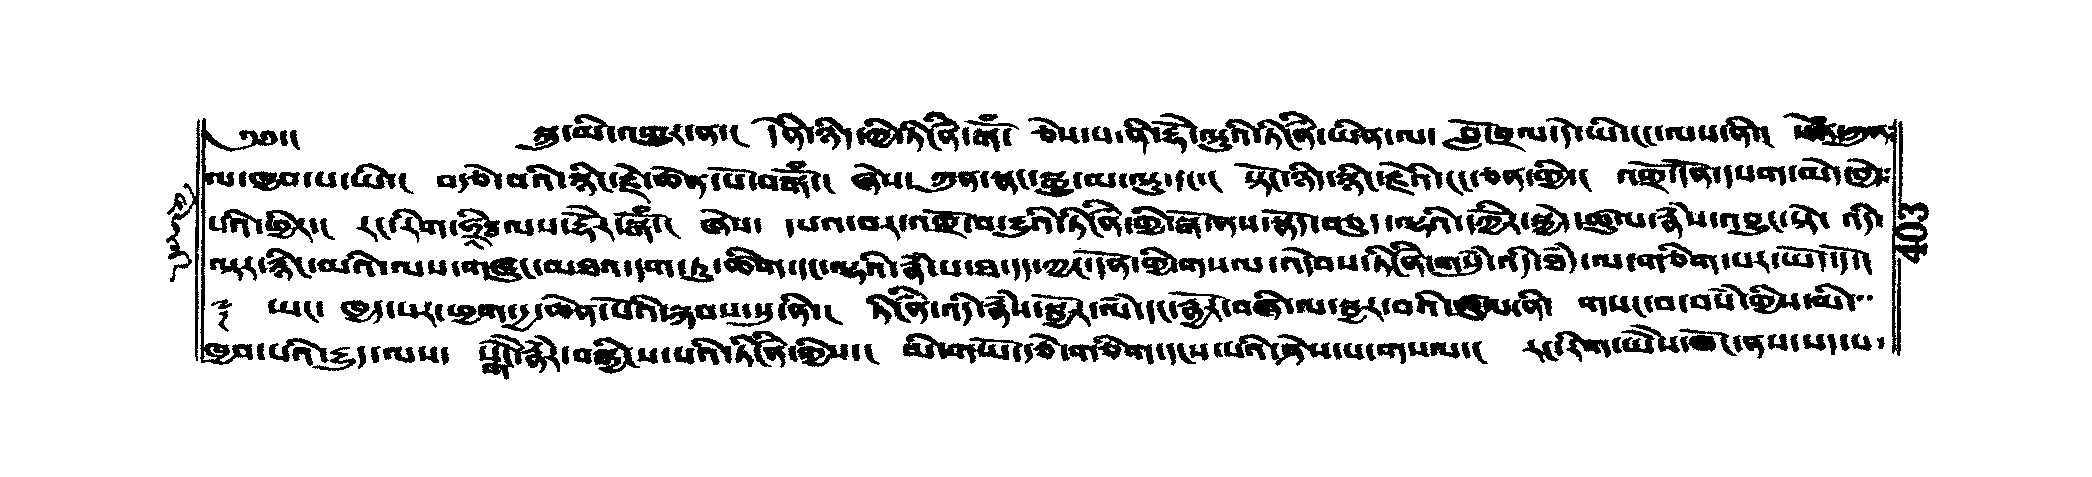སྐུ་མི་འགྱུར་ན། །དེ་བཞིན་ཉིད་ཀྱི་ཏིང་འཛིན་སྒོམ། ཅེས་པ་ནི་རྡོ་རྗེ་ལྟ་བུའི་ཏིང་འཛིན་ཡིན་ལ།བློ་བྲལ་དེ་ཡི་ངང་ལས་ནི། །སེམས་ཅན་ཀུན་
ལ་ཁྱབ་པ་ཡི། །བརྩེ་བའི་སྙིང་རྗེ་ཆེན་པོ་བསྒོམ། ཞེས་ཀུན་སྣང་སྒྱུ་མ་ལྟ་བུ་དང་། །སྟོང་ཉིད་སྙིང་རྗེའི་ངང་ཅན་གྱི། འགྲོ་དོན་དཔག་མེད་བྱེད་
པའི་ཕྱིར། །རང་རིག་ཧྲཱིཿལས་རྡོ་རྗེར་སྒོམ། ཞེས་དཔའ་བར་འགྲོ་བ་རྒྱུའི་ཏིང་འཛིན་གྱི་སྒོ་ནས་སྣོད་བཅུད་ལྷའི་དཀྱིལ་འཁོར་སྐྱེད་ཚུལ་རྣམས་འབྱུང་སྟེ། འདི་
ལྟར་རྙིང་མའི་ལས་གཞུང་མཐའ་དག་ཏུ་ཚིག་དང་ལྷའི་རྣམ་པ་ཐ་དད་ཀྱང་དོན་གྱི་གསལ་འདེབས་ཏིང་འཛིན་གསུམ་འདི་ཐམས་ཅད་ལ་གཅིག་པར་ཡོད་དོ། 
ཡང་ཁྱད་པར་ཕྱག་རྒྱ་ཆེན་པོའི་སྐབས་སུ་ནི། ཏིང་འཛིན་འདི་རྣམས་སྦྱོར་ལམ་དང་རྣལ་འབྱོར་བཞི་ལ་སྦྱོར་བའི་ཚུལ་ནི། གསང་བ་བསམ་གྱིས་མི་
ཁྱབ་པའི་རྒྱུད་ལས། སེངྒེ་རྣམ་པར་བསྒྱིངས་པའི་ཏིང་འཛིན་གྱིས། །མི་གཡོ་རྩེ་གཅིག་དྭངས་པའི་ཤེས་པ་གསལ། །རང་རིག་ཡེ་ཤེས་ཁོང་ནས་སད་པར་